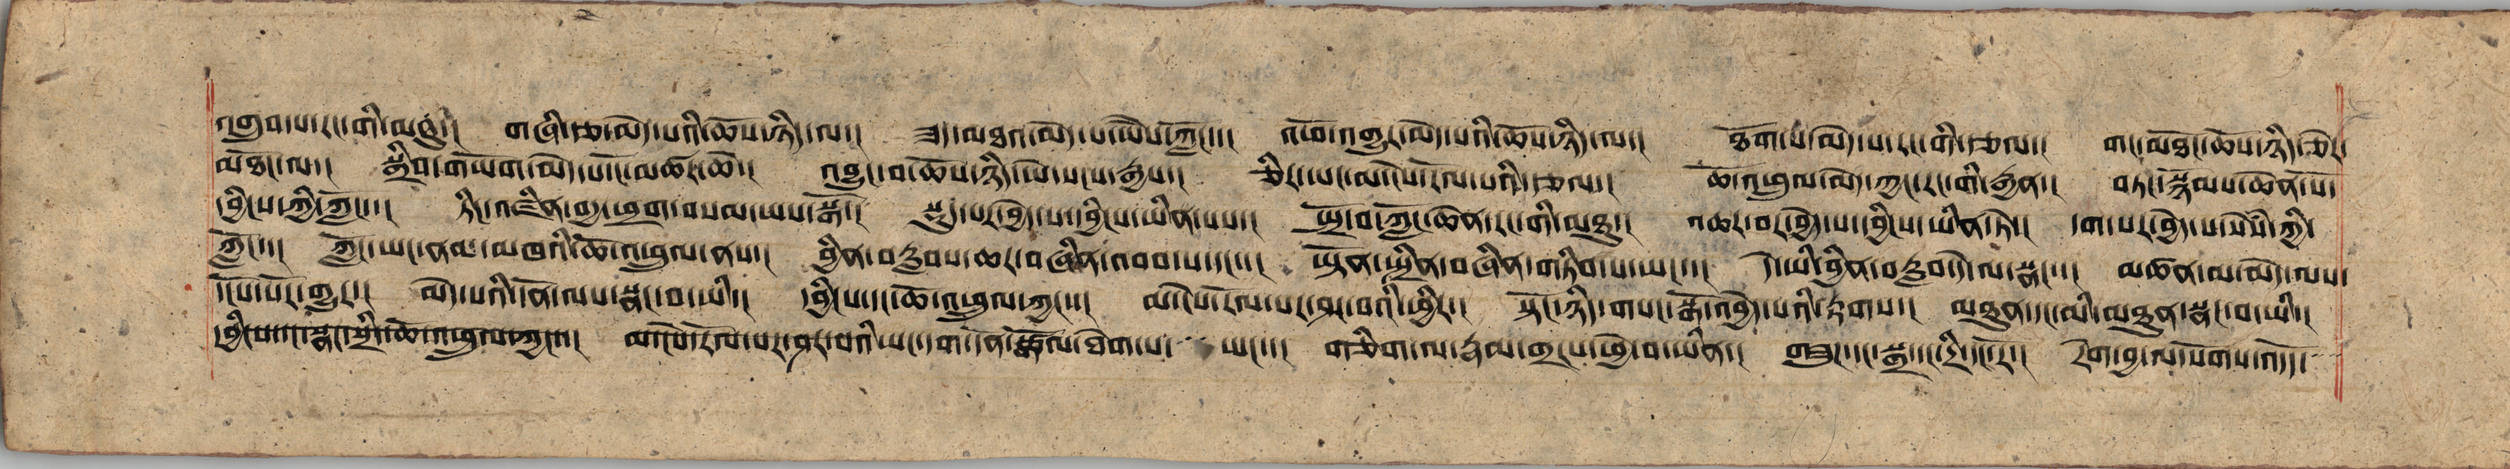འགྲུབ་པ་རང་གི་མཐུ་། གཞི་རྩ་མེད་པའི་ཆོས་ཉིད་ལ་། ཟད་མཐའ་མེད་པ་ཡཻས་ཀློང་་། འཕོ་འགྱུར་མེད་པའི་ཆོས་ཉིད་ལ་། ཐོག་པ་མེད་པ་རང་གི་རྩལ་། གང་མཐོང་ཆོས་ཉིད་ཅེར་
མཐོང་ལ་། སྒྲིབ་གཡོག་མེད་པ་ངོ་མཚར་ཆེ་། འབྱུང་བ་ཆོས་ཉིད་ཡེ་སངས་རྒྱས་། ཅིར་ཡང་མ་ངེས་རོལ་པའི་རྩལ་། ཆོ་འཕྲུལ་མེད་ཀྱང་རང་གི་རྒྱན་། བཏང་སྙོམས་ཆེན་པོ་
དབྱིངས་ཀྱི་ཀློང་་། ཏིང་་འཛིན་བདྱ་ཕྲག་བསམ་ཡས་སྒོ་། སྡུད་པར་བྱཻད་པ་དབྱིངས་ཡིན་པས་། སྤྲོ་བ་ཀློང་ཆེན་རང་གི་མཐུ་། འཆར་བར་བྱེད་པ་དབྱིངས་ཡིན་ཏེ་། དག་པར་བྱེད་པ་སེསཾ་ཀྱི་
ཀློང་་། ཀློང་ཡང་ནམ་མཁའི་ཆོ་འཕྲུལ་ནས་། བྱིན་བརླབས་ཆར་བཞིན་འབབ་པ་དང་་། ཡྟོན་སྤྲིན་བཞིན་གཏིབ་པ་ཡང་་། དེ་ཡི་བྱིན་བརླབ་དེ་ལ་སྣང་་། མཚན་མ་མེད་ལས་
དངོས་པོར་གྱུར་། མེད་པའི་དོན་ལས་སྣང་བ་ཡི་། དབྱིངས་དང་ཆོ་འཕྲུལ་ཀྱང་་། མ་ངེས་རོལ་པར་ཤར་བའི་ཕྱིར་། སྟོང་ཉིད་གསང་སྒོ་འབྱེད་པའི་རྟགས་། མཐུན་དང་མི་མཐུན་སྣང་བ་ཡི་།
དབྱིངས་དང་སྣང་སྲིད་ཆོ་འཕྲུལ་ཀྱང་་། མ་ངེས་རོལ་པར་ཤར་བའི་ཡང་དག་དོན་སྒོ་ལ་ཐེག་པ་ཡང་་། གཅིག་ལ་རྣམ་གྲྲངས་ཕྱེ་བ་ཡིན་། གཟུཌ་དང་སྒྲ་དང་དྲི་དང་རོ་། རེག་བྱ་ལ་སོགས་འདོད་